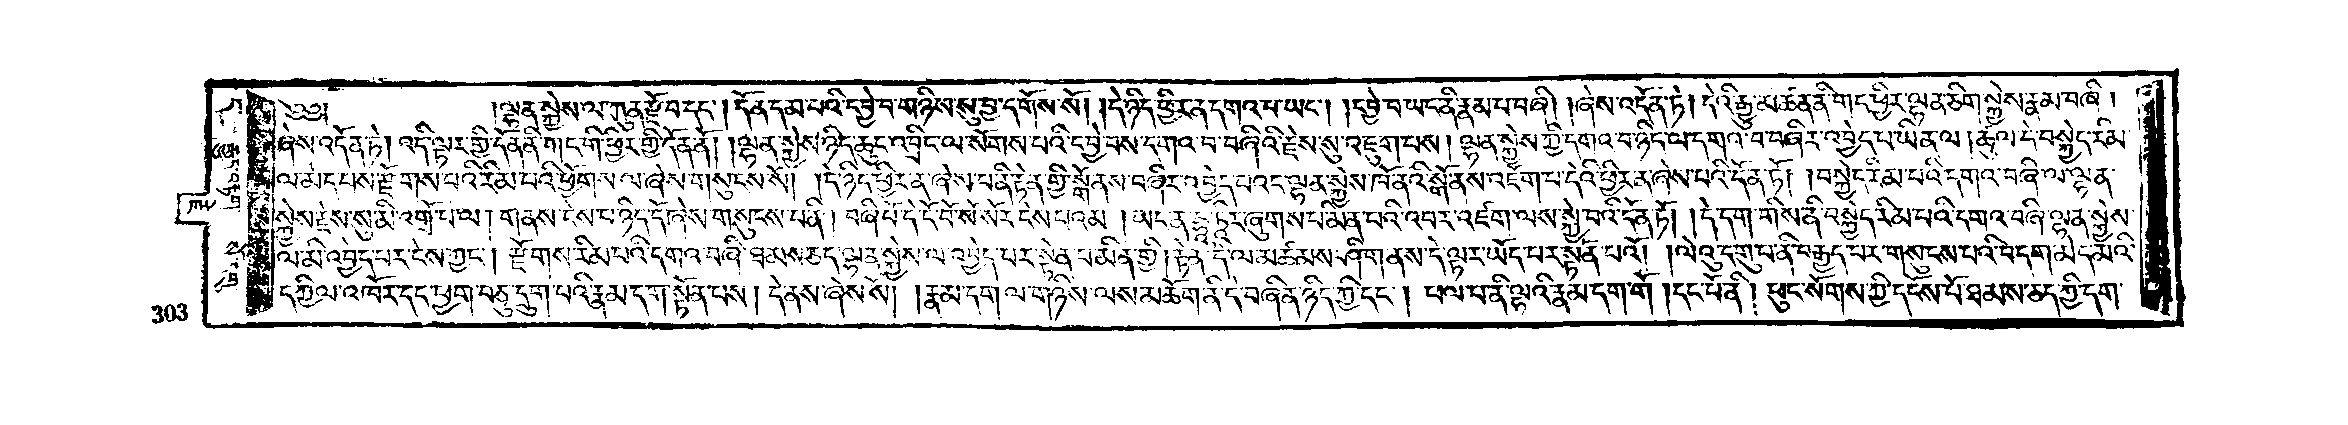༄༅། །ལྷན་སྐྱེས་ལ་ཀུན་རྫོབ་དང་། དོན་དམ་པའི་དབྱེ་བ་གཉིས་སུ་བྱ་དགོས་སོ། །དེ་ཉིད་ཕྱིར་ན་དགའ་བ་ཡང་། །དབྱེ་བ་ཡང་ནི་རྣམ་པ་བཞི། །ཞེས་འདོན་ཏེ། དེའི་རྒྱུ་མཚན་ནི་གང་ཕྱིར་ལྷན་ཅིག་སྐྱེས་རྣམ་བཞི།
ཞེས་འདོན་ཏེ། འདི་ལྟར་གྱི་དོན་ནི་གང་གི་ཕྱིར་གྱི་དོན་ནོ། །ལྷན་སྐྱེས་ཉིད་ཆུང་འབྲིང་ལ་སོགས་པའི་དབྱེ་བས་དགའ་བ་བཞིའི་རྗེས་སུ་འཇུག་པས། ལྷན་སྐྱེས་ཀྱི་དགའ་བ་ཉིད་ལ་དགའ་བ་བཞིར་འབྱེད་པ་ཡིན་ལ། ཚུལ་དེ་བསྐྱེད་རིམ་
ལ་མེད་པས་རྫོགས་པའི་རིམ་པའི་ཕྱོགས་ལ་ཞེས་གསུངས་སོ། །དེ་ཉིད་ཕྱིར་ན་ཞེས་པ་ནི་རྟེན་གྱི་སྒོ་ནས་བཞིར་འབྱེད་པའང་ལྷན་སྐྱེས་ཁོ་ནའི་སྒོ་ནས་འཇོག་པ་དེའི་ཕྱིར་ན་ཞེས་པའི་དོན་ཏོ། །བསྐྱེད་རིམ་པའི་དགའ་བཞི་ལ་ལྷན་
སྐྱེས་རྗེས་སུ་མི་འགྲོ་བ་ལ། གནས་ངེས་པ་ཉིད་དོ་ཞེས་གསུངས་པ་ནི། བཞི་པོ་དེ་ངོ་བོ་སོ་སོར་ངེས་པའམ། ཡང་ན་དྷཱ་ཏཱིར་ཞུགས་པ་མིན་པའི་འབར་འཛག་ལས་སྐྱེ་བའི་དོན་ཏོ། །དེ་དག་གིས་ནི་བསྐྱེད་རིམ་པའི་དགའ་བཞི་ལྷན་སྐྱེས་
ལ་མི་འབྱེད་པར་ངེས་ཀྱང་། རྫོགས་རིམ་པའི་དགའ་བཞི་ཐམས་ཅད་ལྷན་སྐྱེས་ལ་འབྱེད་པར་སྟེན་པ་མིན་གྱི། རྟེན་དེ་ལ་མཚམས་ཤིག་ནས་དེ་ལྟར་ཡོད་པར་སྟོན་པའོ། །ལེའུ་དགུ་པ་ནི་བརྒྱད་པར་གསུངས་པའི་བདག་མེད་མའི་
དཀྱིལ་འཁོར་དང་ཕྱག་བཅུ་དྲུག་པའི་རྣམ་དག་སྟོན་པས། དེ་ནས་ཞེས་སོ། །རྣམ་དག་ལ་གཉིས་ལས་མཆོག་ནི་དེ་བཞིན་ཉིད་ཀྱི་དང་། ཕལ་པ་ནི་ལྷའི་རྣམ་དག་གོ། དང་པོ་ནི། ཕུང་སོགས་ཀྱི་དངོས་པོ་ཐམས་ཅད་ཀྱི་དག་